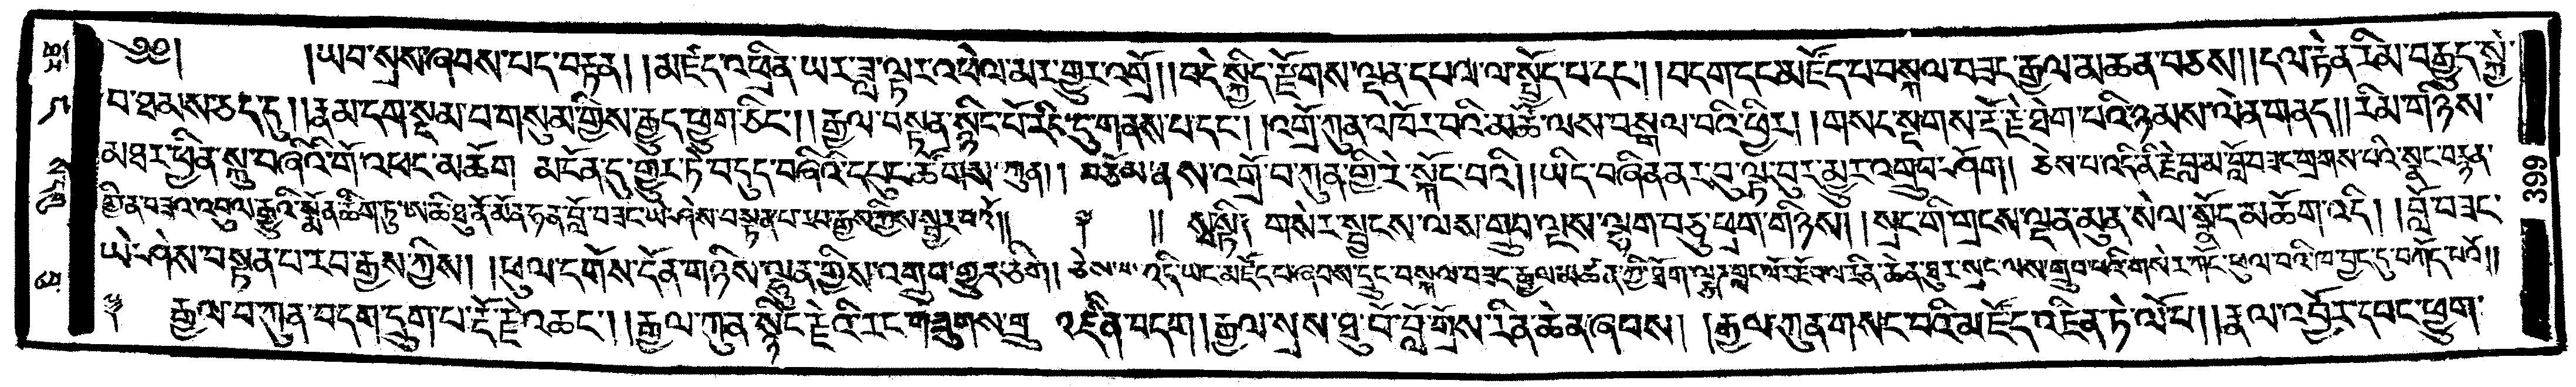༄༅། །ཡབ་སྲས་ཞབས་པད་བརྟན། །མཛད་འཕྲིན་ཡར་ཟླ་ལྟར་འཕེལ་མར་གྱུར་འགྲོ། །བདེ་སྐྱིད་རྫོགས་ལྡན་དཔལ་ལ་སྤྱོད་པ་དང་། །བདག་དང་མཛོད་པ་བསྐལ་བཟང་རྒྱལ་མཚན་བཅས། །དལ་རྟེན་རིམ་བརྒྱུད་སྐྱེ་
བ་ཐམས་ཅད་དུ། །རྣམ་དག་སྡམ་པ་གསུམ་གྱིས་རྒྱུད་ཕྱུག་ཅིང་། །རྒྱལ་བསྟན་སྙིང་པོ་རིང་དུ་གནས་པ་དང་། །འགྲོ་ཀུན་འཁོར་བའི་མཚོ་ལས་བསྒལ་བའི་ཕྱིར། །གསང་སྔགས་རྡོ་རྗེ་ཐེག་པའི་ཉམས་ལེན་གནད། །རིམ་གཉིས་
མཐར་ཕྱིན་སྐུ་བཞིའི་གོ་འཕང་མཆོག །མངོན་དུ་གྱུར་ཏེ་བདུད་བཞིའི་དཔུང་ཚོགས་ཀུན། །བཅོམ་ནས་འགྲོ་བ་ཀུན་གྱི་རེ་སྐོང་བའི། །ཡིད་བཞིན་ནོར་བུ་ལྟ་བུར་མྱུར་འགྲུབ་ཤོག །ཅེས་པ་འདི་ནི་རྗེ་བླ་མ་བློ་བཟང་གྲགས་པའི་སྣང་བརྙན་
གྱི་ན་བཟའ་འབུལ་རྒྱུའི་སྨོན་ཚིག་ཏུ་ཨ་ཆི་ཐུ་ནོ་མོན་ཧན་བློ་བཟང་ཡེ་ཤེས་བསྟན་པ་རབ་རྒྱས་ཀྱིས་སྦྱར་བའོ།། ༈ །།སྭསྟི། གསེར་སྦྱངས་ལས་གྲུབ་ལྔས་ལྷག་བཅུ་ཕྲག་གཉིས། །སྲང་གི་གྲངས་ལྡན་མུན་སེལ་སྣོད་མཆོག་འདི། །བློ་བཟང་
ཡེ་ཤེས་བསྟན་པ་རབ་རྒྱས་ཀྱིས། །ཕུལ་དགོས་དོན་གཉིས་ལྷུན་གྱིས་འགྲུབ་གྱུར་ཅིག །ཅེས་པ་འདི་ཡང་མཛོད་པ་ཞབས་དྲུང་བསྐལ་བཟང་རྒྱལ་མཚན་ཀྱི་ཐོག་ལྕགས་གླང་ལོར་ཇོ་བོ་ལ་རིན་ཆེན་ཐུར་སྲང་ལས་གྲུབ་པའི་གསེར་ཀོང་ཕུལ་བའི་ཁ་བྱང་དུ་བཀོད་པའོ། །
༈ རྒྱལ་བ་ཀུན་བདག་དྲུག་པ་རྡོ་རྗེ་འཆང་། །རྒྱལ་ཀུན་སྙིང་རྗེའི་རང་གཟུགས་གྲུ་འཛིན་བདག །རྒྱལ་སྲས་ཐུ་བོ་བློ་གྲོས་རིན་ཆེན་ཞབས། །རྒྱལ་ཀུན་གསང་བའི་མཛོད་འཛིན་ཏེ་ལོ་པ། །རྣལ་འབྱོར་དབང་ཕྱུག་